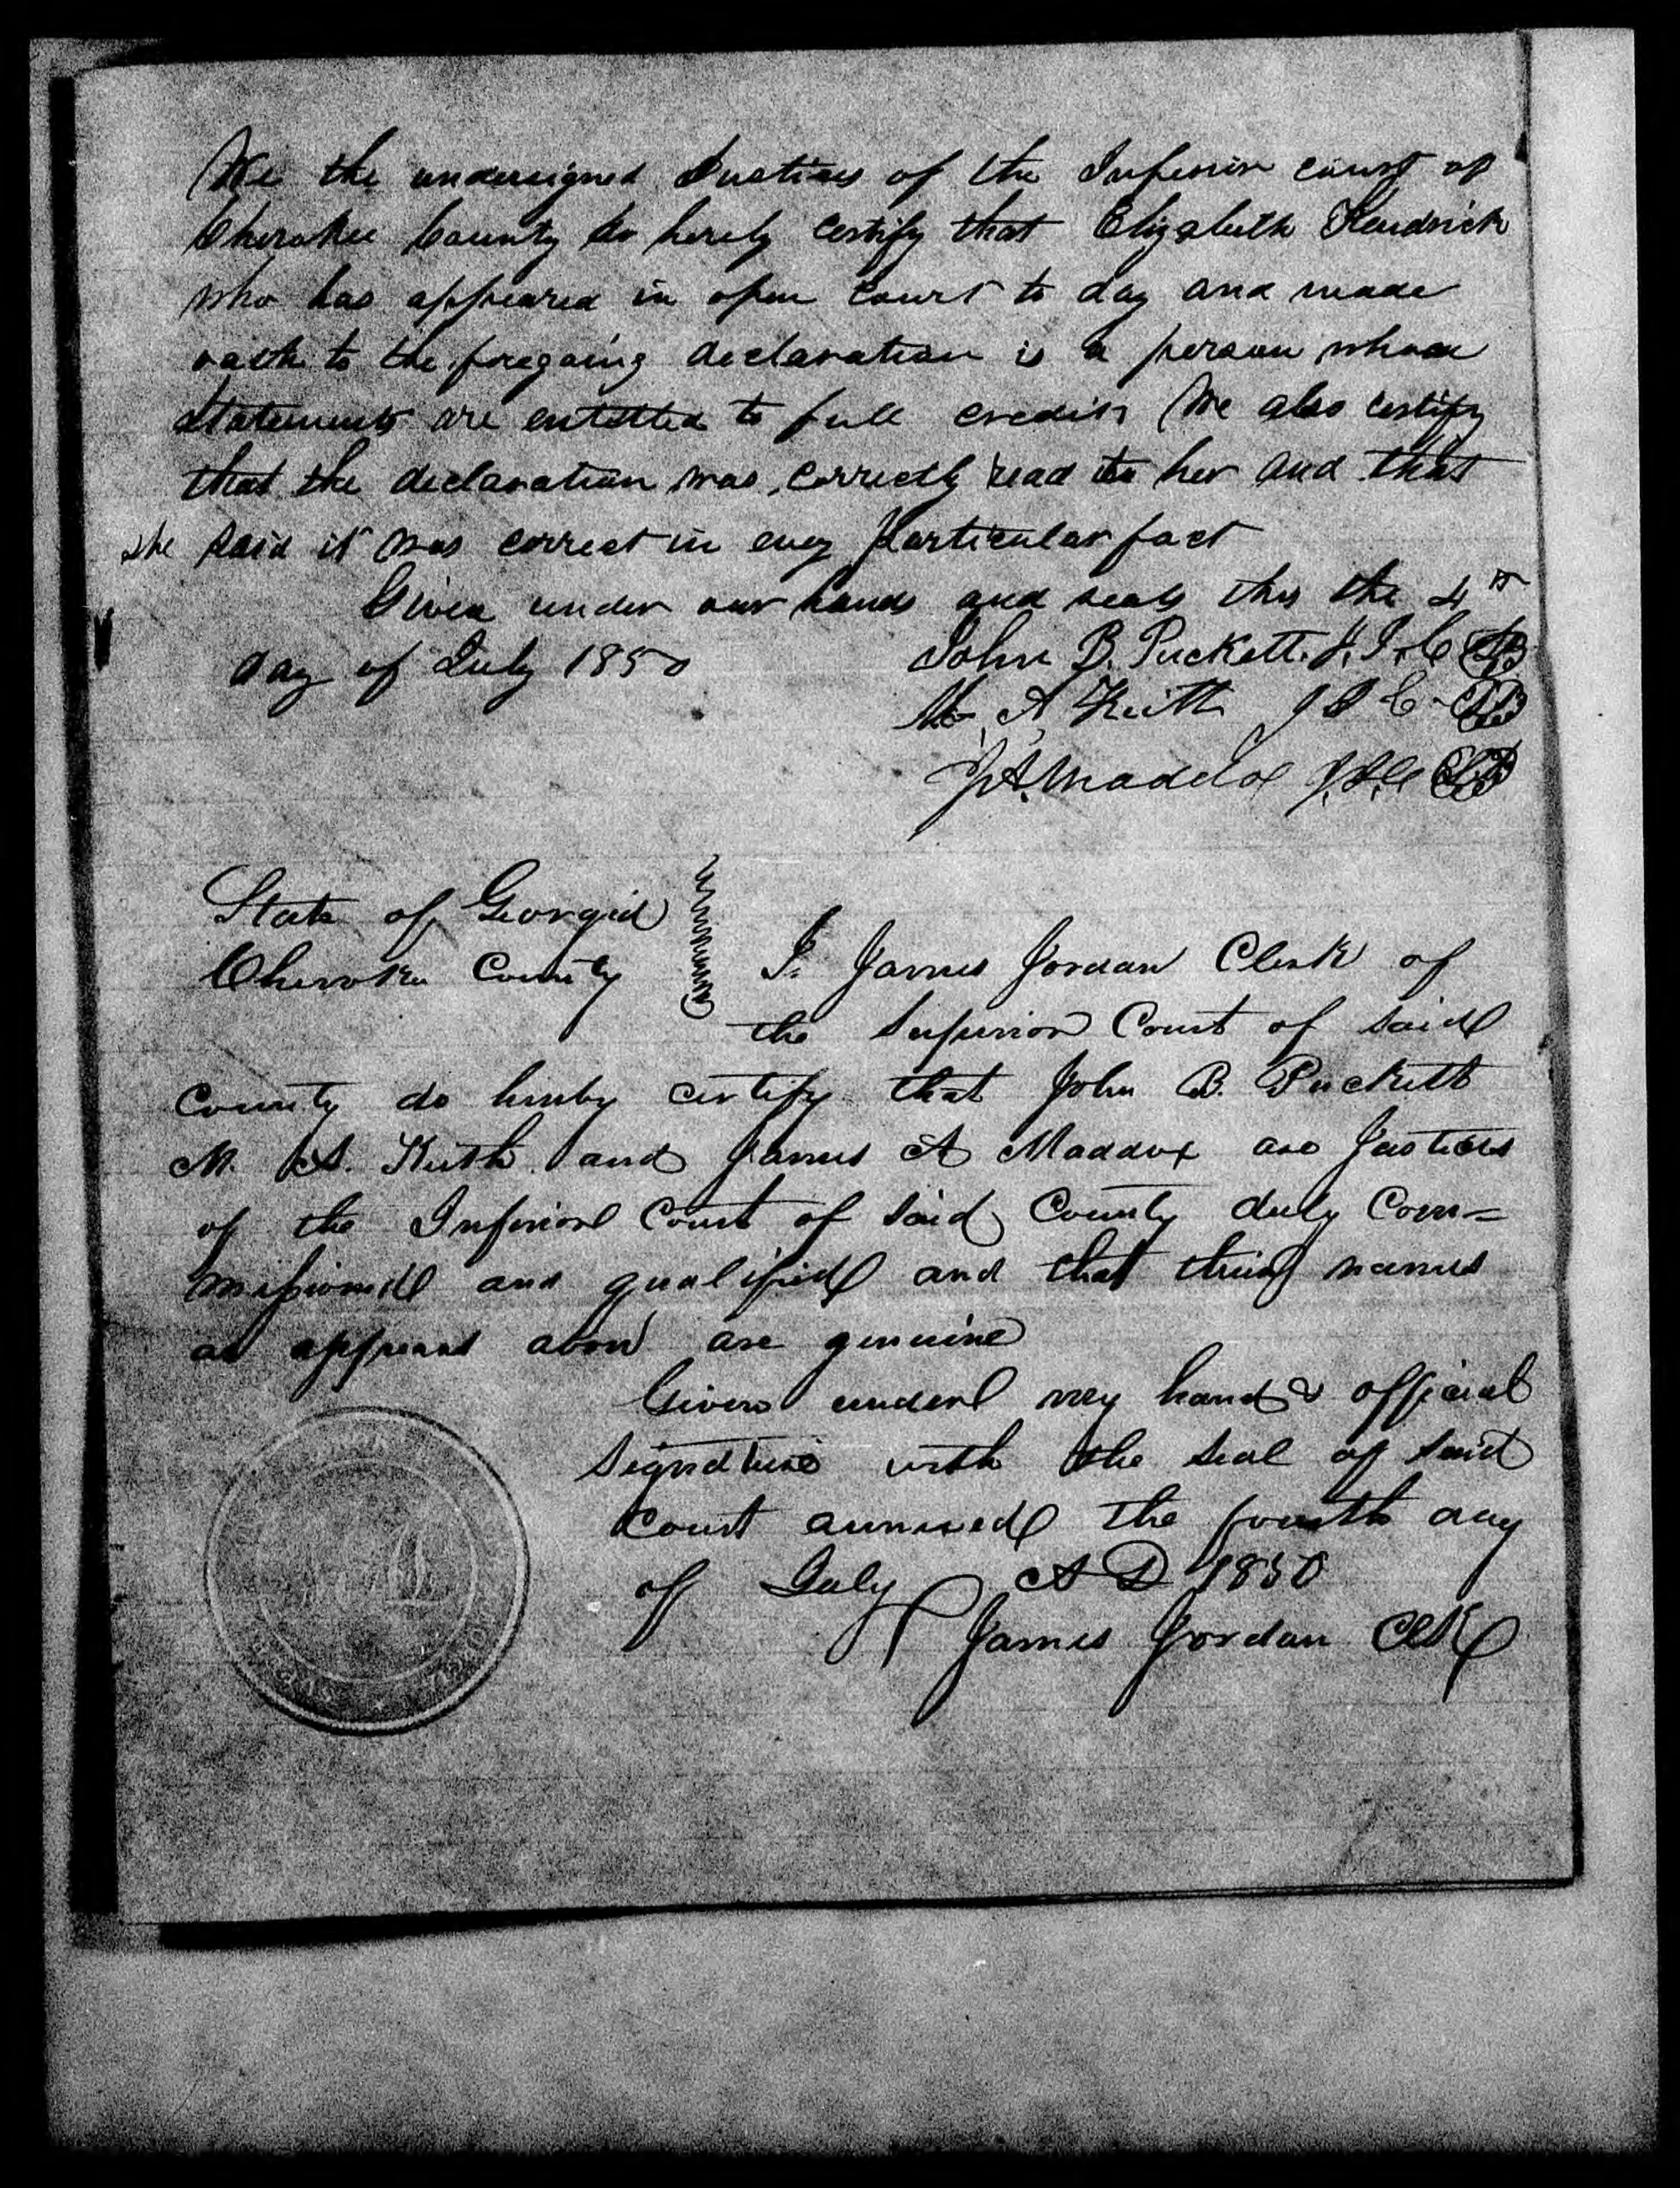We the undersigned Justices of the Inferior Court of 
Cherokee County do hereby certify that Elizabeth Kendrick
who has appeared in open Court to day and made
oath to the foregoing declaration is a person whose
Statements are entitled to full credit.  We also certify
that the declaration was correctly read to her and that
she said it was correct in every particular fact
Given under our hand and seals this the 4th
day of July 1850

John B. Puckett, J.I.C.  seal
M A Keith J.I.C.  seal
J A Maddox J.I.C.  seal



State of Georgia
Cherokee County

I James Jordan Clerk of 
the Superior Court of said 
County do hereby certify that John B. Puckett
M. A. Keith and James A Maddox are Justices
of the Inferior Court of said County duly commissioned
and qualified and that their names 
as appears above are genuine
Given under my hand & official 
Signature with the Seal of said 
Court annexed the fourth day
of July AD 1850

James Jordan Clk

[seal]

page: 4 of 29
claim: rejected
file: R. 5862, for Isham Kendrick, North Carolina